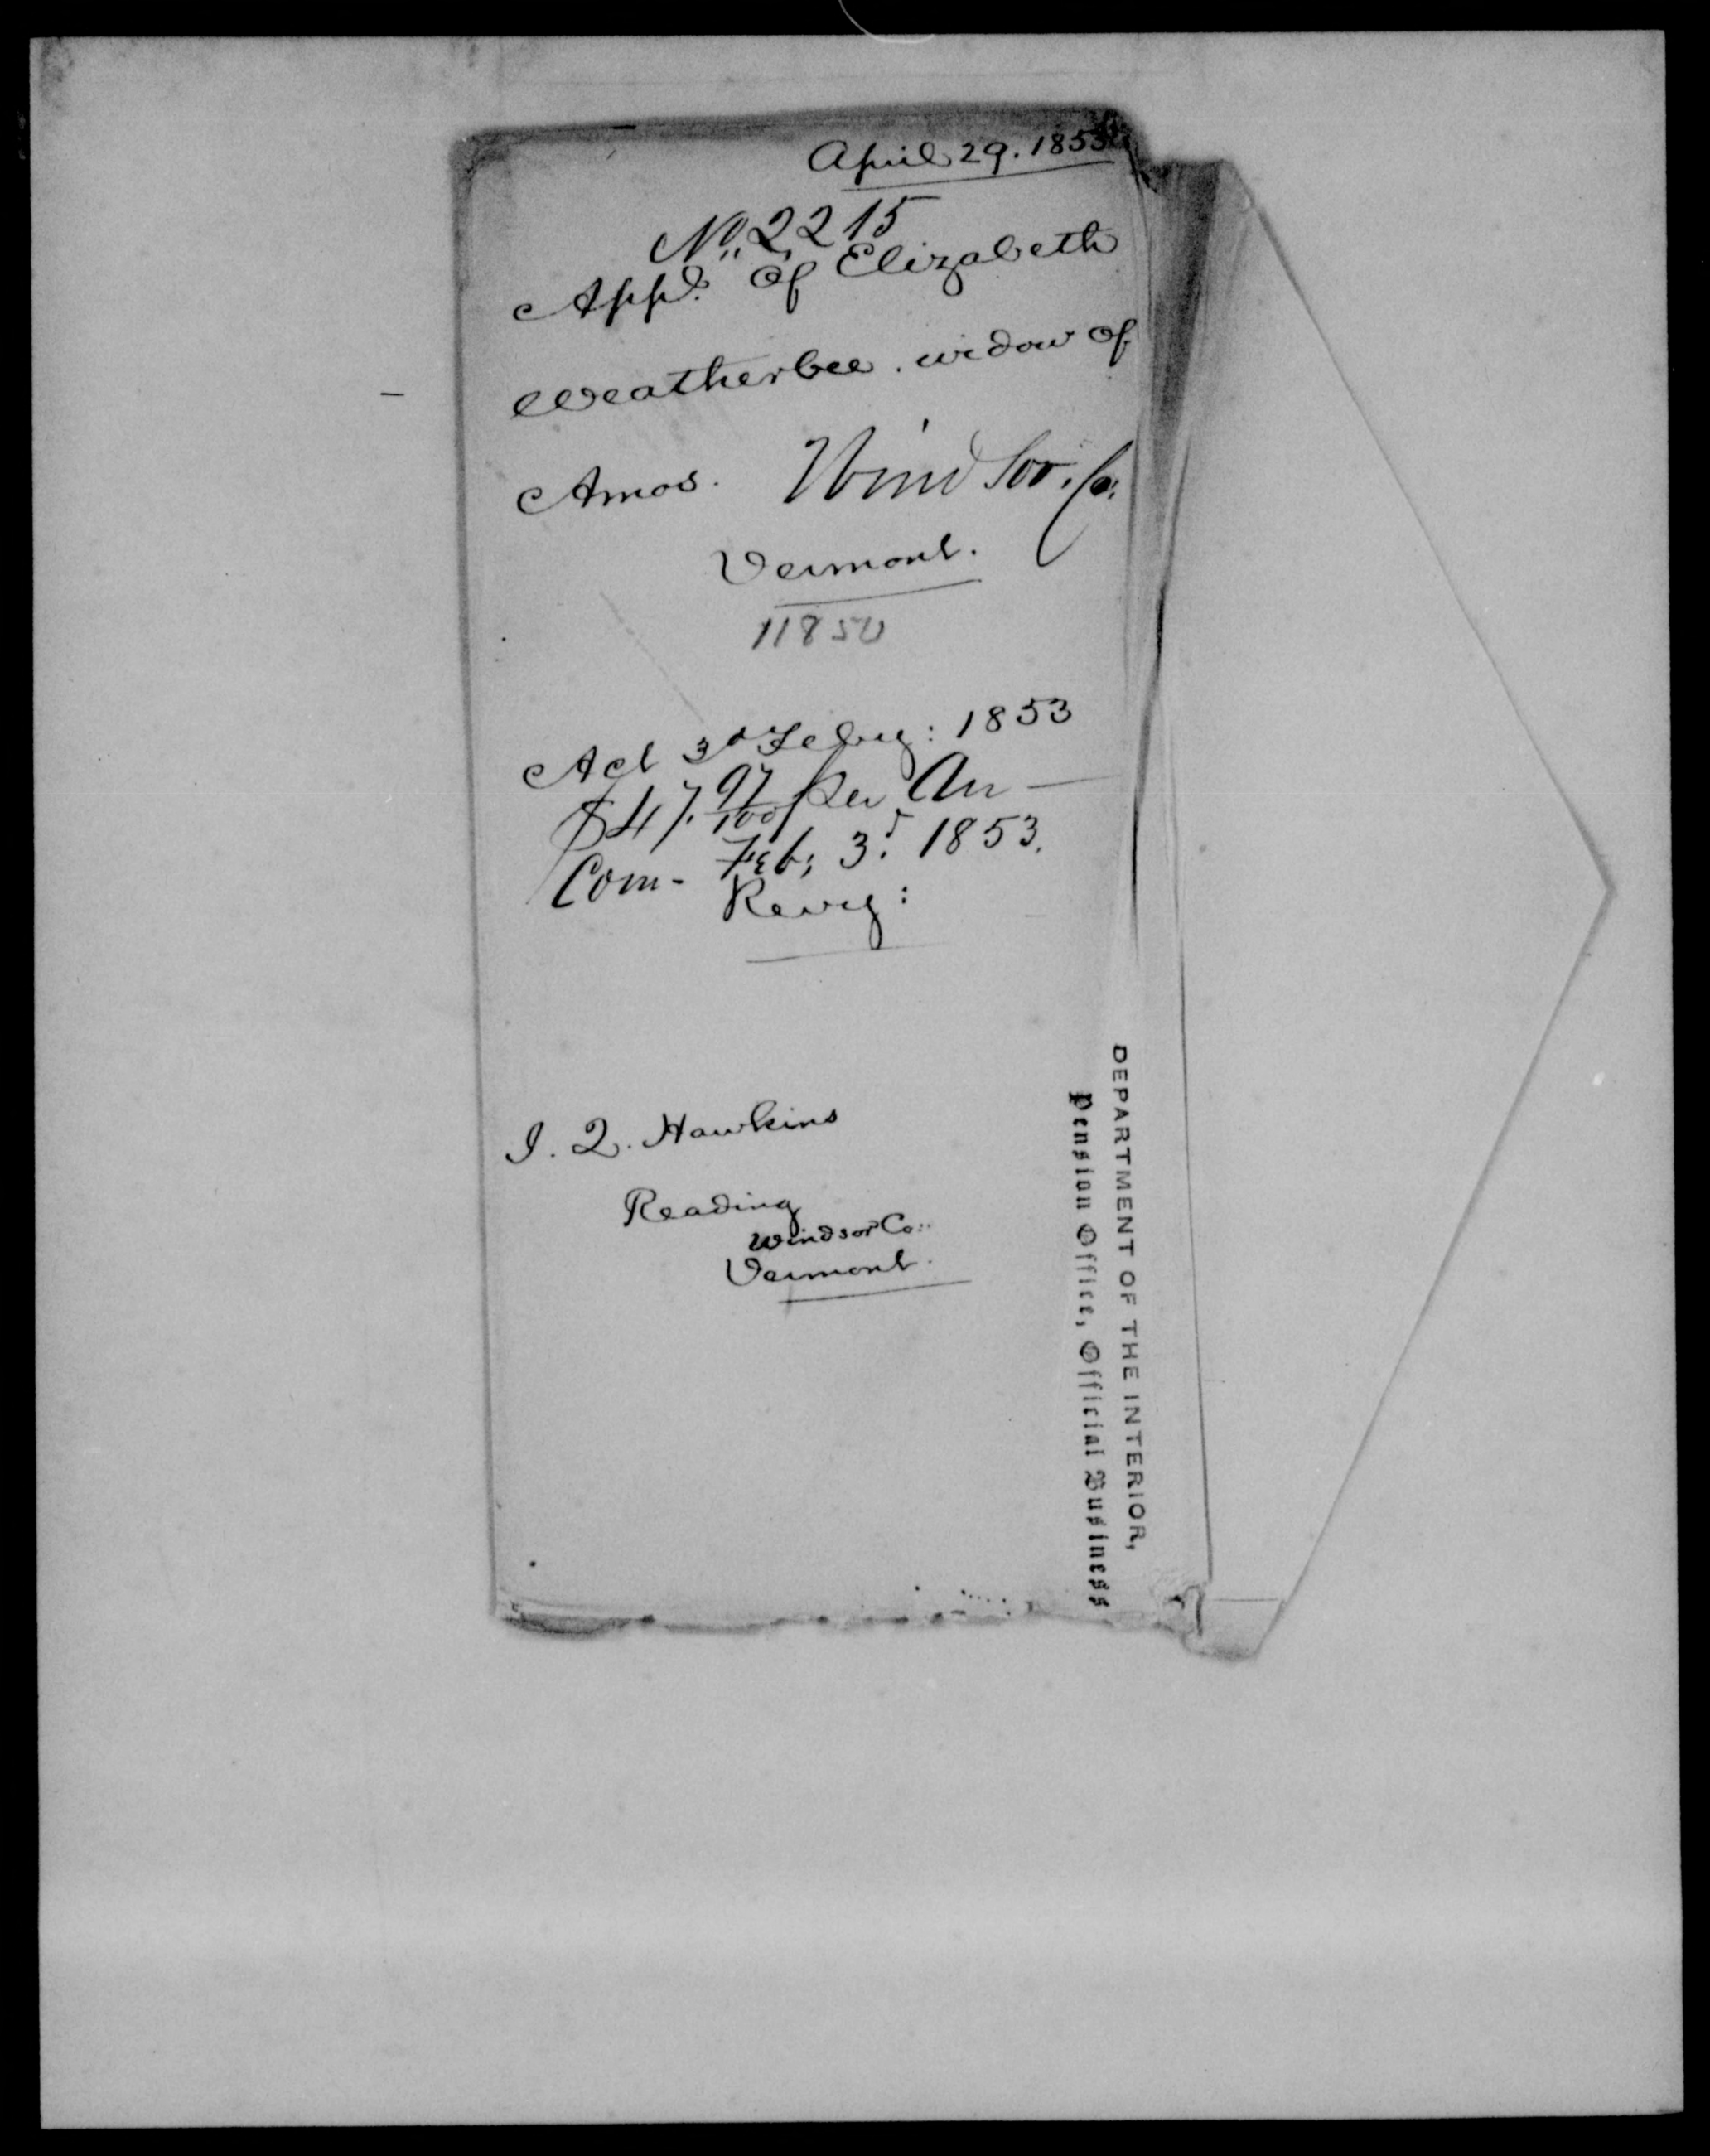(written on an envelope printed)
DEPARTMENT OF THE INTERIOR
Pension Office, Official Business

April 29. 1853
No. 2215
Appl. of Elizabeth Weatherbee widow of
Amos. Windsor Co. Vermont
11850

Act 3d Feby. 1853
$47.97 per an.
Com. Feb 3d 1853
Revy

J. Q. Hawkins
Reading
Windsor Co.
Vermont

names: J Q Hawkins, Amos Weatherbee, Elizabeth Weatherbee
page: 55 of 66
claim: widow's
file: W. 2468, Amos Wetherbee, Mass.